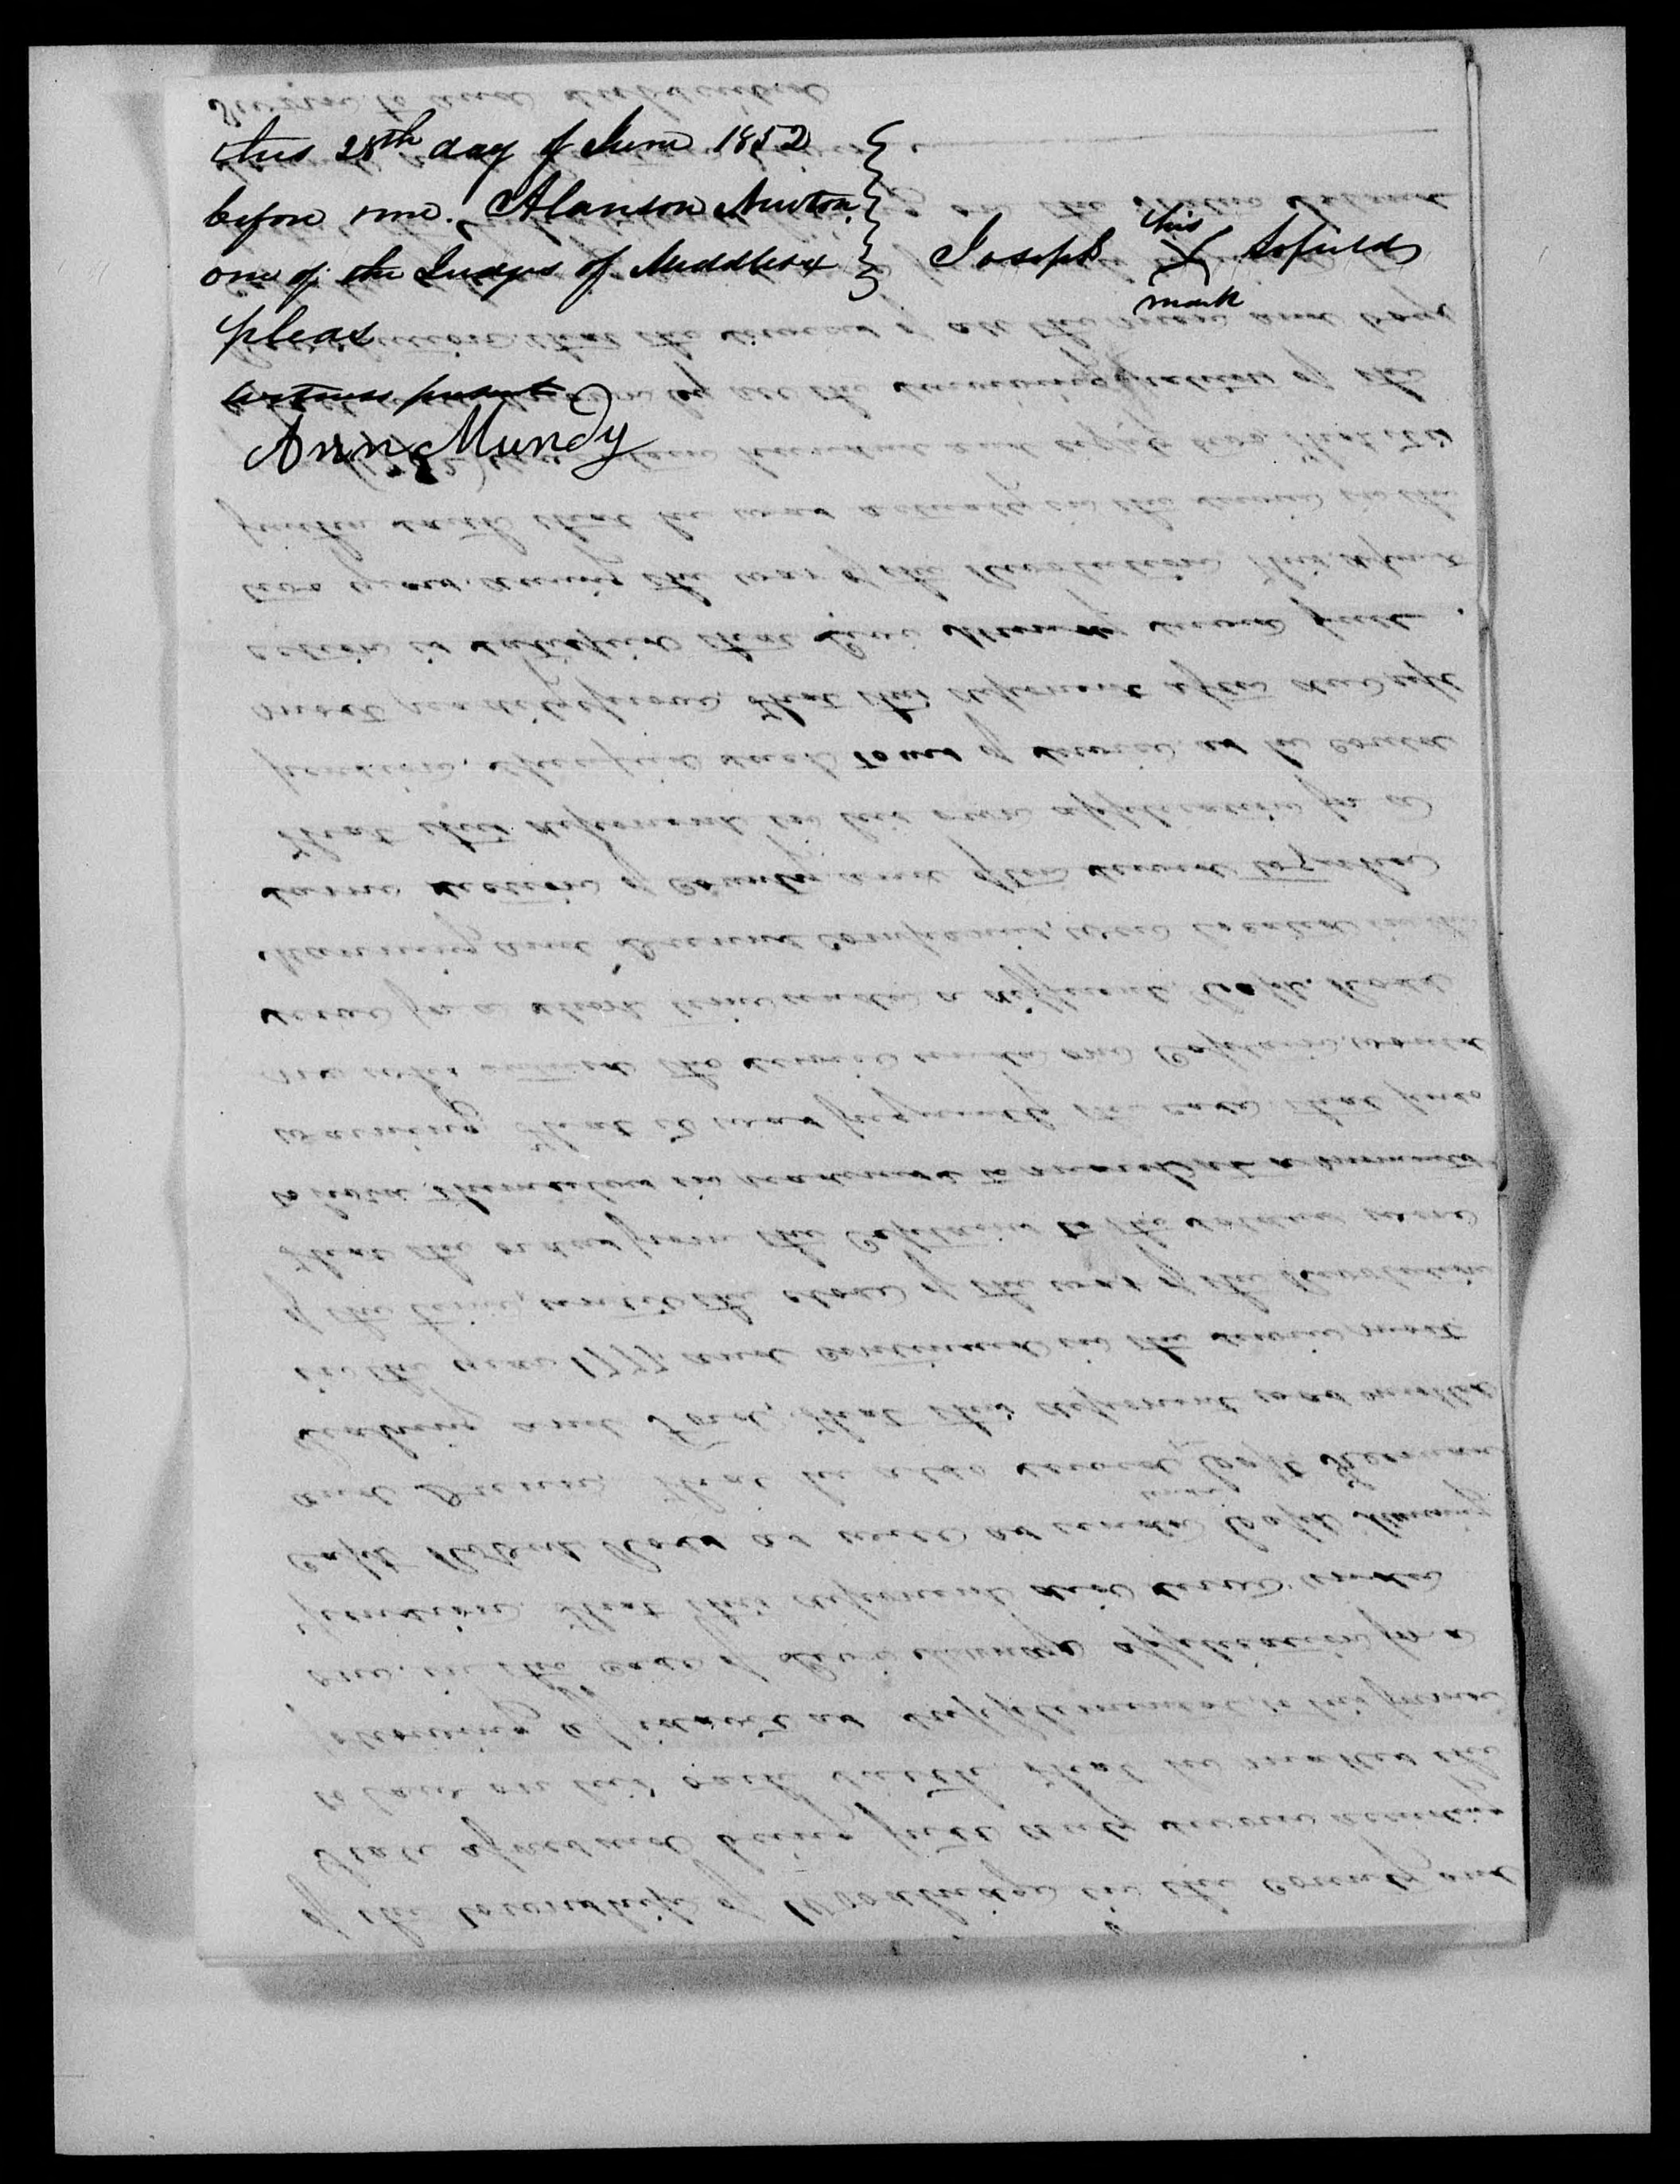...this 28th day of June 1852 before me.
s/ Alanson Newton, one of the Judge of Middlesex (Court of Common) Pleas.

s/ James Sofield (X - his mark)

Witness present:
s/ Anne Mundy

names: Ann Mundy; Joseph Sofield; Alanson Newton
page: 72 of 95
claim: survivor's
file: S 2889, for Levi Mundy, New Jersey